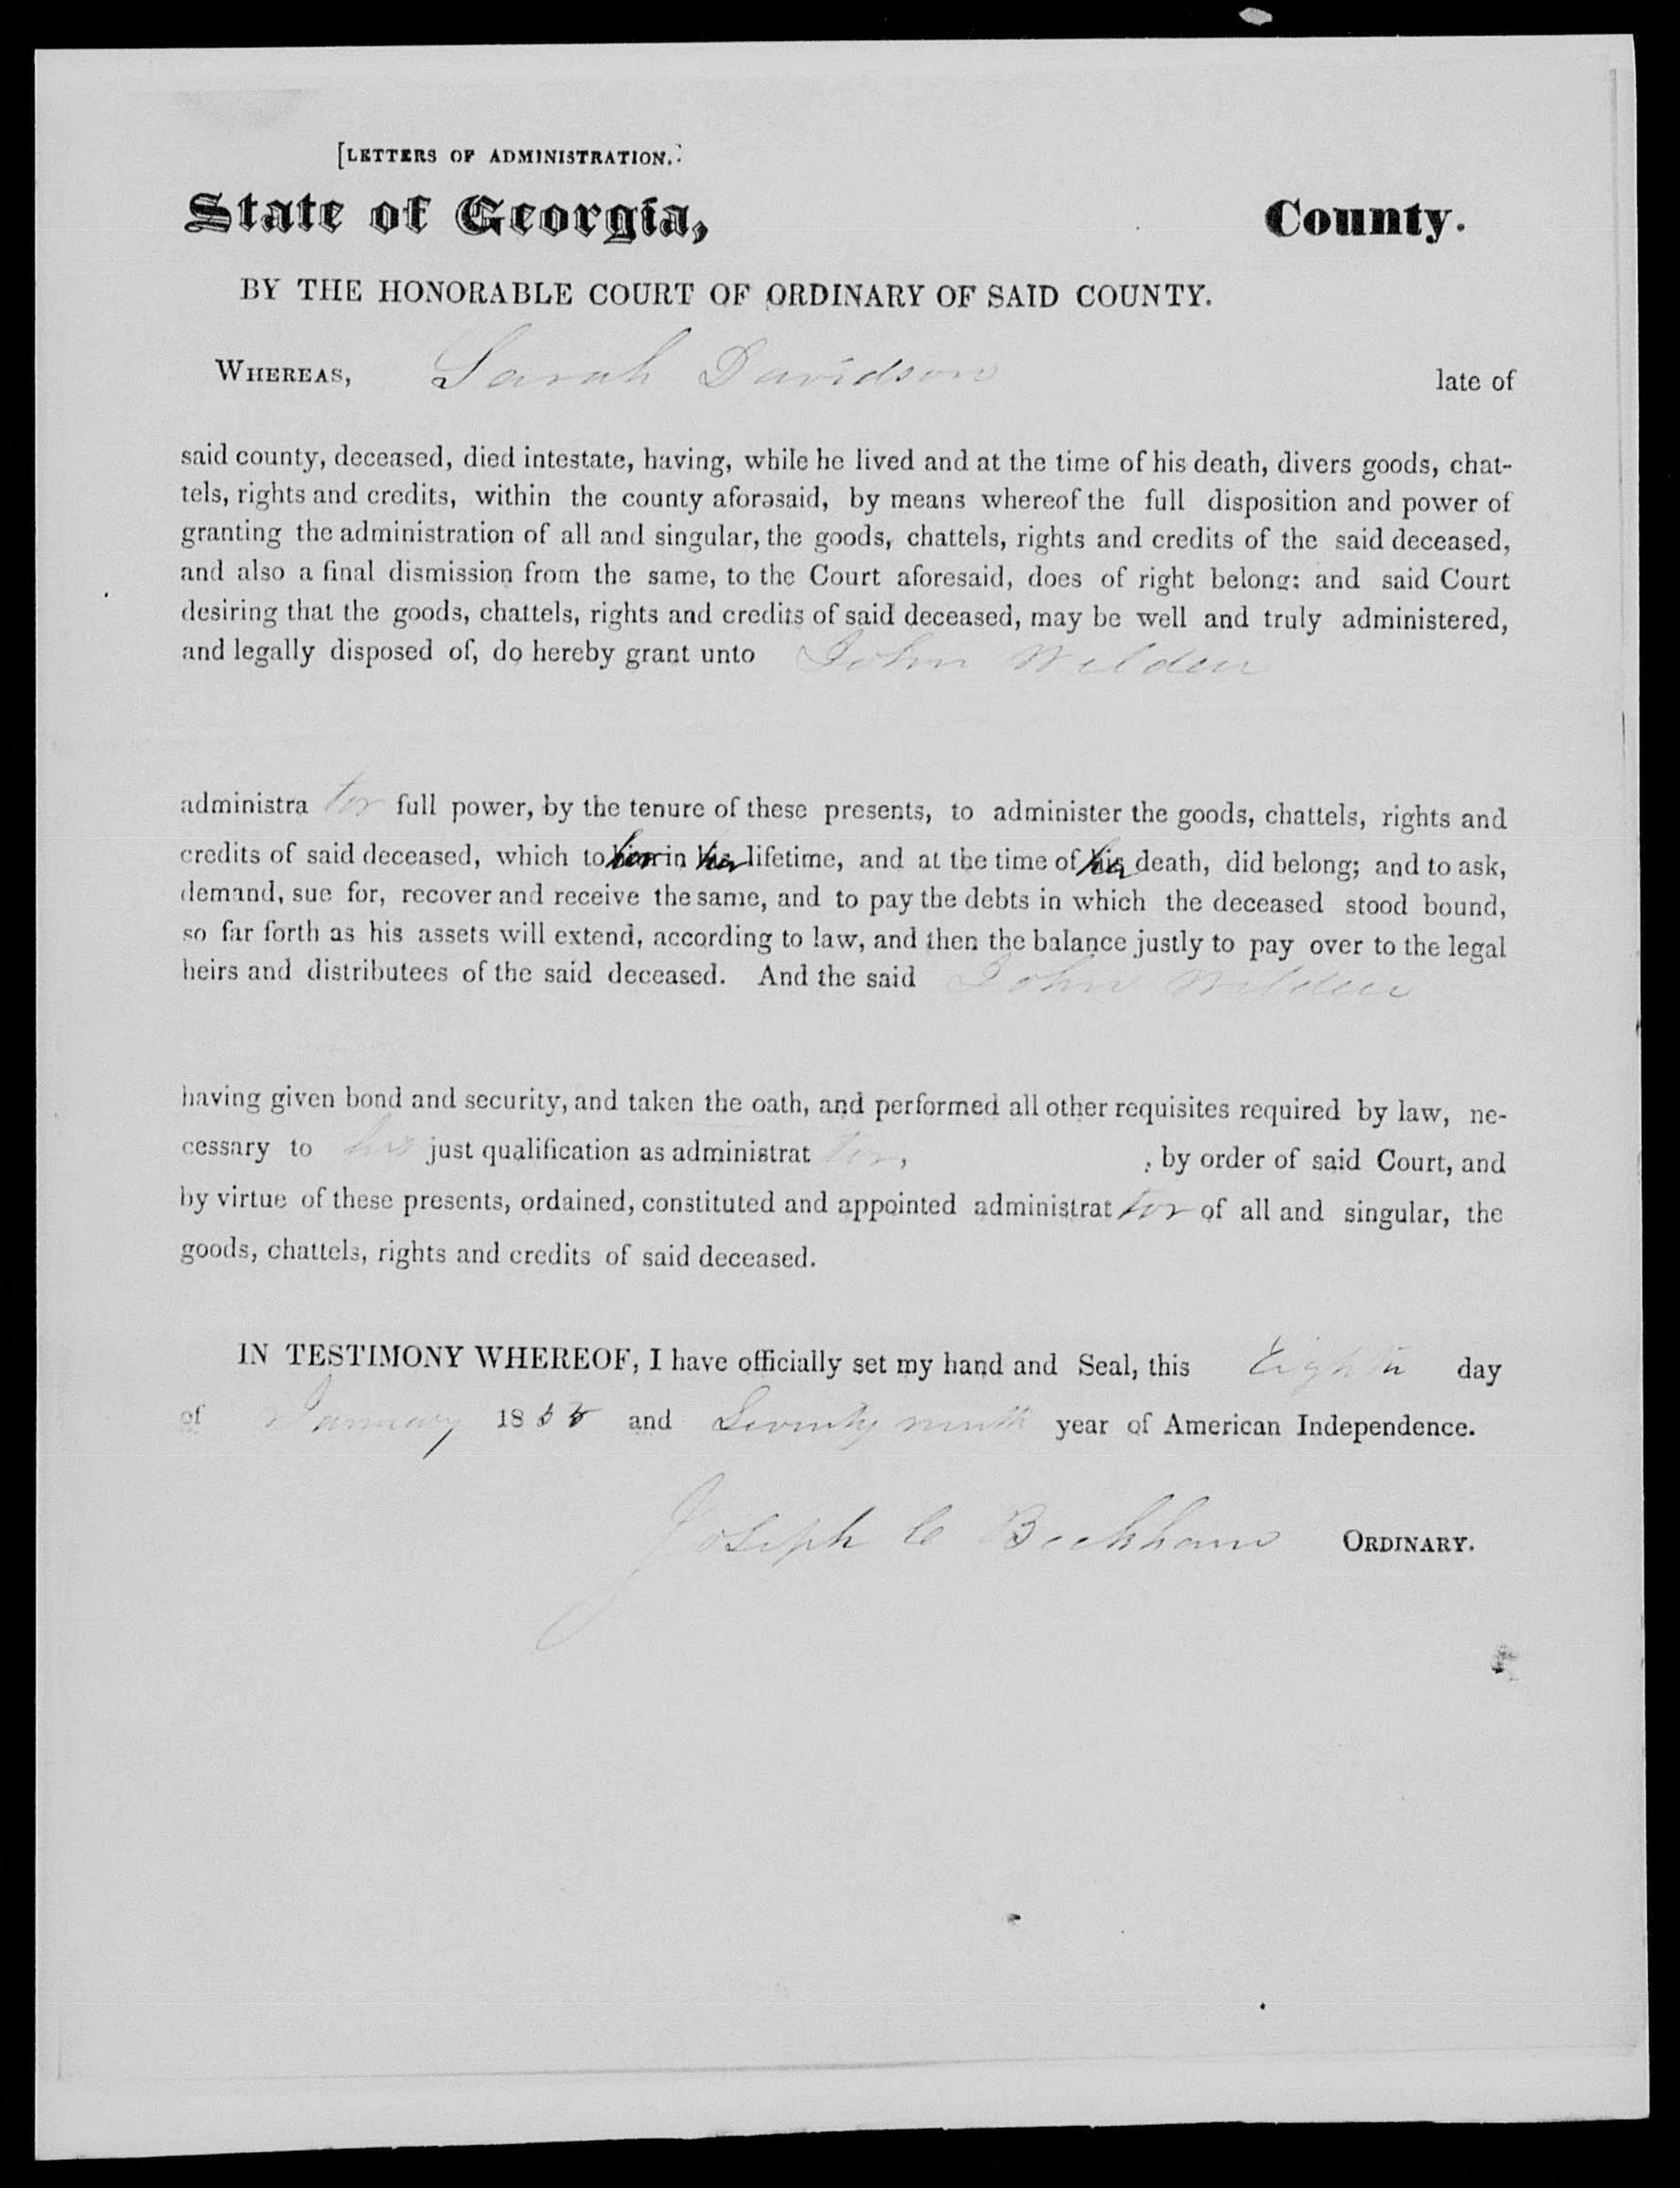LETTERS OF ADMINISTRATION.
State of Georgia,                    County.
BY THE HONORABLE COURT OF ORDINARY OF SAID COUNTY.

WHEREAS, Sarah Davidson late of said county, deceased, died intestate, having, while he lived and at the time of his death, divers goods, chattels , rights and credits within the county aforesaid, by means whereof the full disposition and power of
granting the administration of all and singular, the goods, chattels, rights and credits of the said deceased, and also a final dismission from the same, to the Court aforesaid, does of right belong: and said Court desiring that the goods, chattels, rights and credits of said deceased, may be well and truly administered, and legally disposed of, do hereby grant unto John Welden administrator full power, by the tenure of these presents, to administer the goods, chattels, rights and credits of said deceased, which to her in her lifetime, and at the time of her death, did belong; and to ask, demand, sue for, recover and receive the same, and to pay the debts in which the deceased stood bound, so far forth as his assets will extend, according to law, and then the balance justly to pay over to the legal heirs and distributees of the said deceased. And the said John Welden having given bond and security, and taken the oath, and performed all other requisites required by law, necessary to was just qualification as administrator, by order of said Court, and by virtue of these presents, ordained, constituted and appointed administrator of all and singular, the goods, chattels, rights and credits of said deceased.
IN TESTIMONY WHEREOF, I have officially set my hand and Seal, this Eighth day of January 1855 and Seventy ninth year of American Independence.
Joseph C Beckham ORDINARY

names: Joseph C Beckham, John Weldon, John Weldon, Sarah Davidson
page: 33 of 63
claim: widow's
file: W. 4175, Joseph Davidson, N.C.